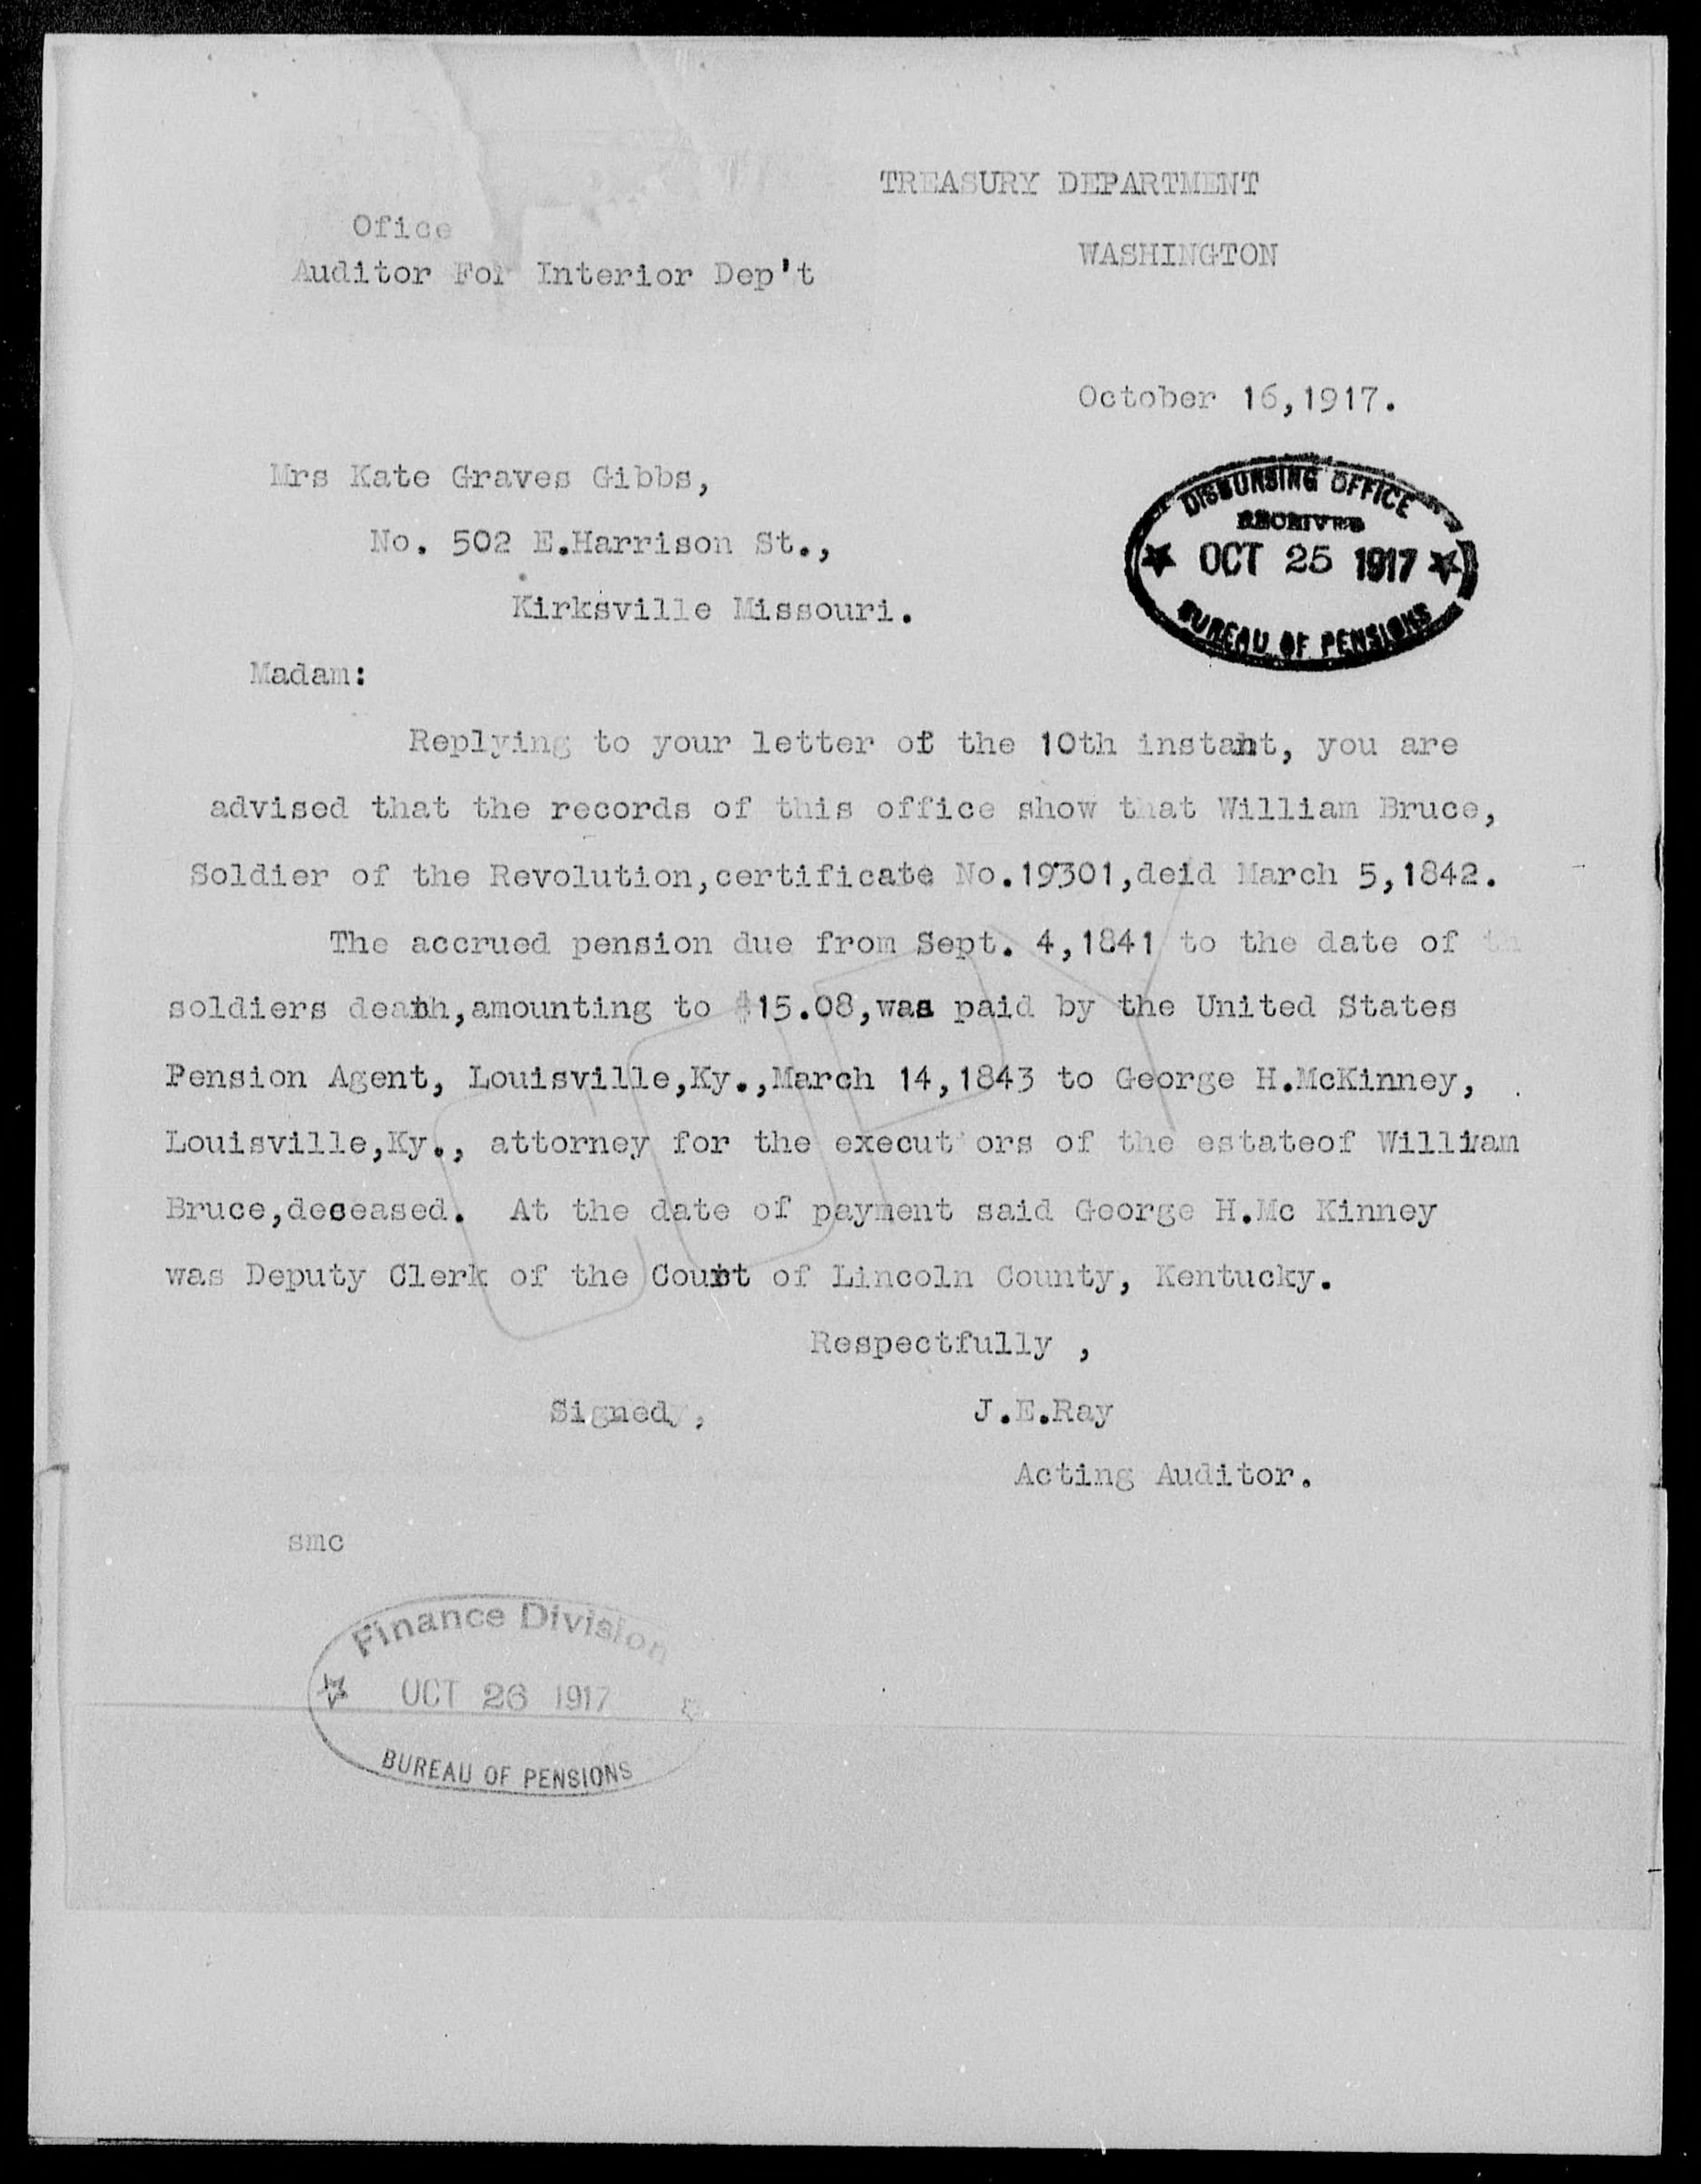[typed form]

TREASURY DEPARTMENT
WASHINGTON

Office 
Auditor for Interior Dep’t [Department] 

October 16, 1917.

[oval stamp] DISBURSING OFFICE RECEIVED *OCT 25 1917* BUREAU OF PENSIONS

Mrs. Kate Graves Gibbs, 
No. 502 E. Harrison St., 
Kirksville Missouri. 

Madam: 

Replying to your letter of the 10th instant, you are advised that the records of this office show that William Bruce, Soldier of the Revolution, certificate No. 19301, deid [died] March 5, 1842. 

The accrued pension due from Sept. 4, 1841, to the date of the soldiers death, amounting to $15.08, was paid by the United States Pension Agent, Louisville, Ky., March 14, 1843 to George H. McKinney, Louisville, Ky., attorney for the executors of the estate of William Bruce, deceased. At the date of payment said George H. McKinney was Deputy Clerk of the Court of Lincoln County, Kentucky. 

Respectfully, 
Signed, J. E. Ray 
Acting Auditor. 

smc

[stamped in middle of letter] C O P Y

[oval stamp] Finance Division OCT. 26 1917 BUREAU OF PENSIONS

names: George H Mc Kinney, William Bruce, J E Ray, William Bruce, George H Mc Kinney, Kate Graves Gibbs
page: 48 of 54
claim: survivor's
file: S. 30287, William Bruce, N.C.